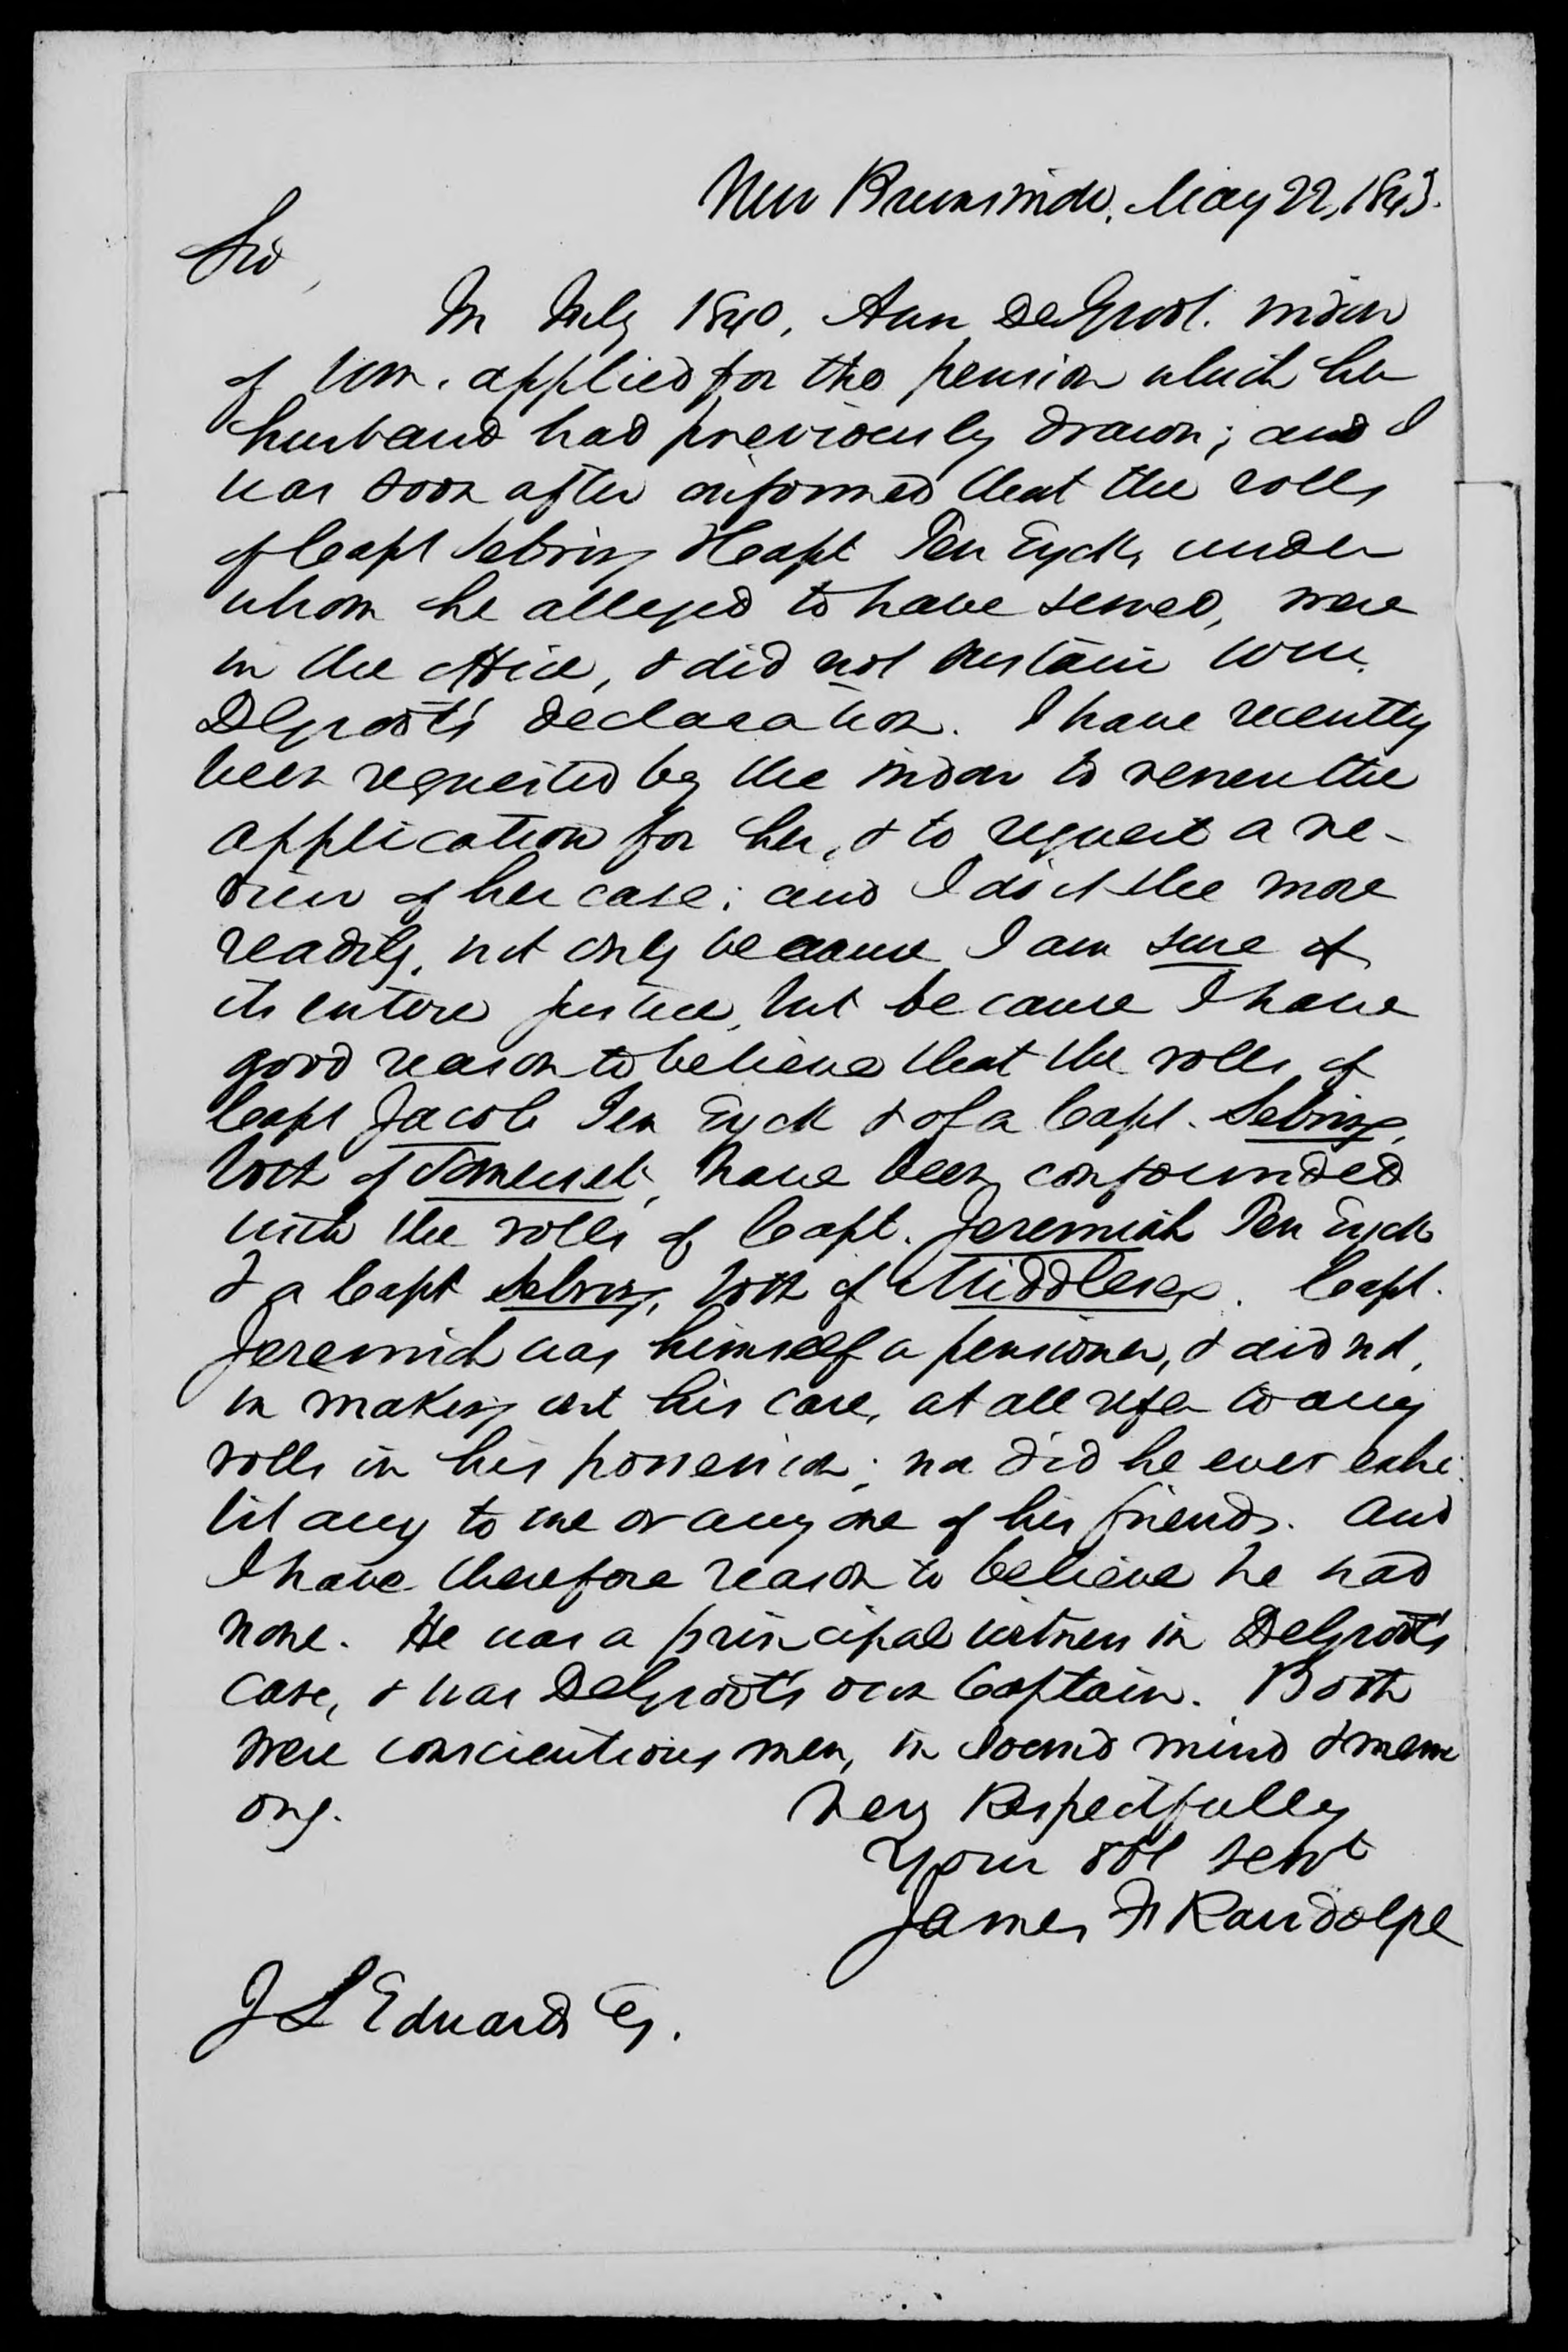New Brunswick, May 22 1863
Sir
In July 1840, Ann DeGroot, widow of Wm applied for the pension which her husband had previously drawn, and I was soon after informed that the rolls of Capt Sebring Capt Ten Ecyk, under whom he alleged to have served, were in the office, + did not contain Wm DeGroot's declaration. I have recently been requested by the Widow to renew the application for her _ to request a review of her case, and I do it the more readily, not only because I an sur of its entire justice, but because I have good reason to believe that the rolls of Capt Jacob Ten Eych + of a Capt. Sebring both of Somerset, have been confounded with the rolls of Capt Sebring, both of Middlesex. Capt. Jeremiah was himself a pensioner + did not, in making out his case, at all refer to any rolls in his possession, nor did he ever [illeg] any to me or anyone of his friends, and I have therefore reason to believe he had none. He was a principal witness in Degroots case + was Degroot's own captain. Both were conscientious men, in sound mind + memory.
Very Respectfully Your obt servt James F. Randolph
J L Edwards Esq.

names: Ann De Groot, De Groot, De Groot, Sebring, James F Randolph, Wm De Groot, Sebring, J L Edwards, Ten Eyck, Jeremiah, Jacob Ten Eyck, D Groot, Sebring, Jeremiah Ten Eyck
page: 38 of 77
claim: widow's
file: W. 417, William De Groot, New Jersey